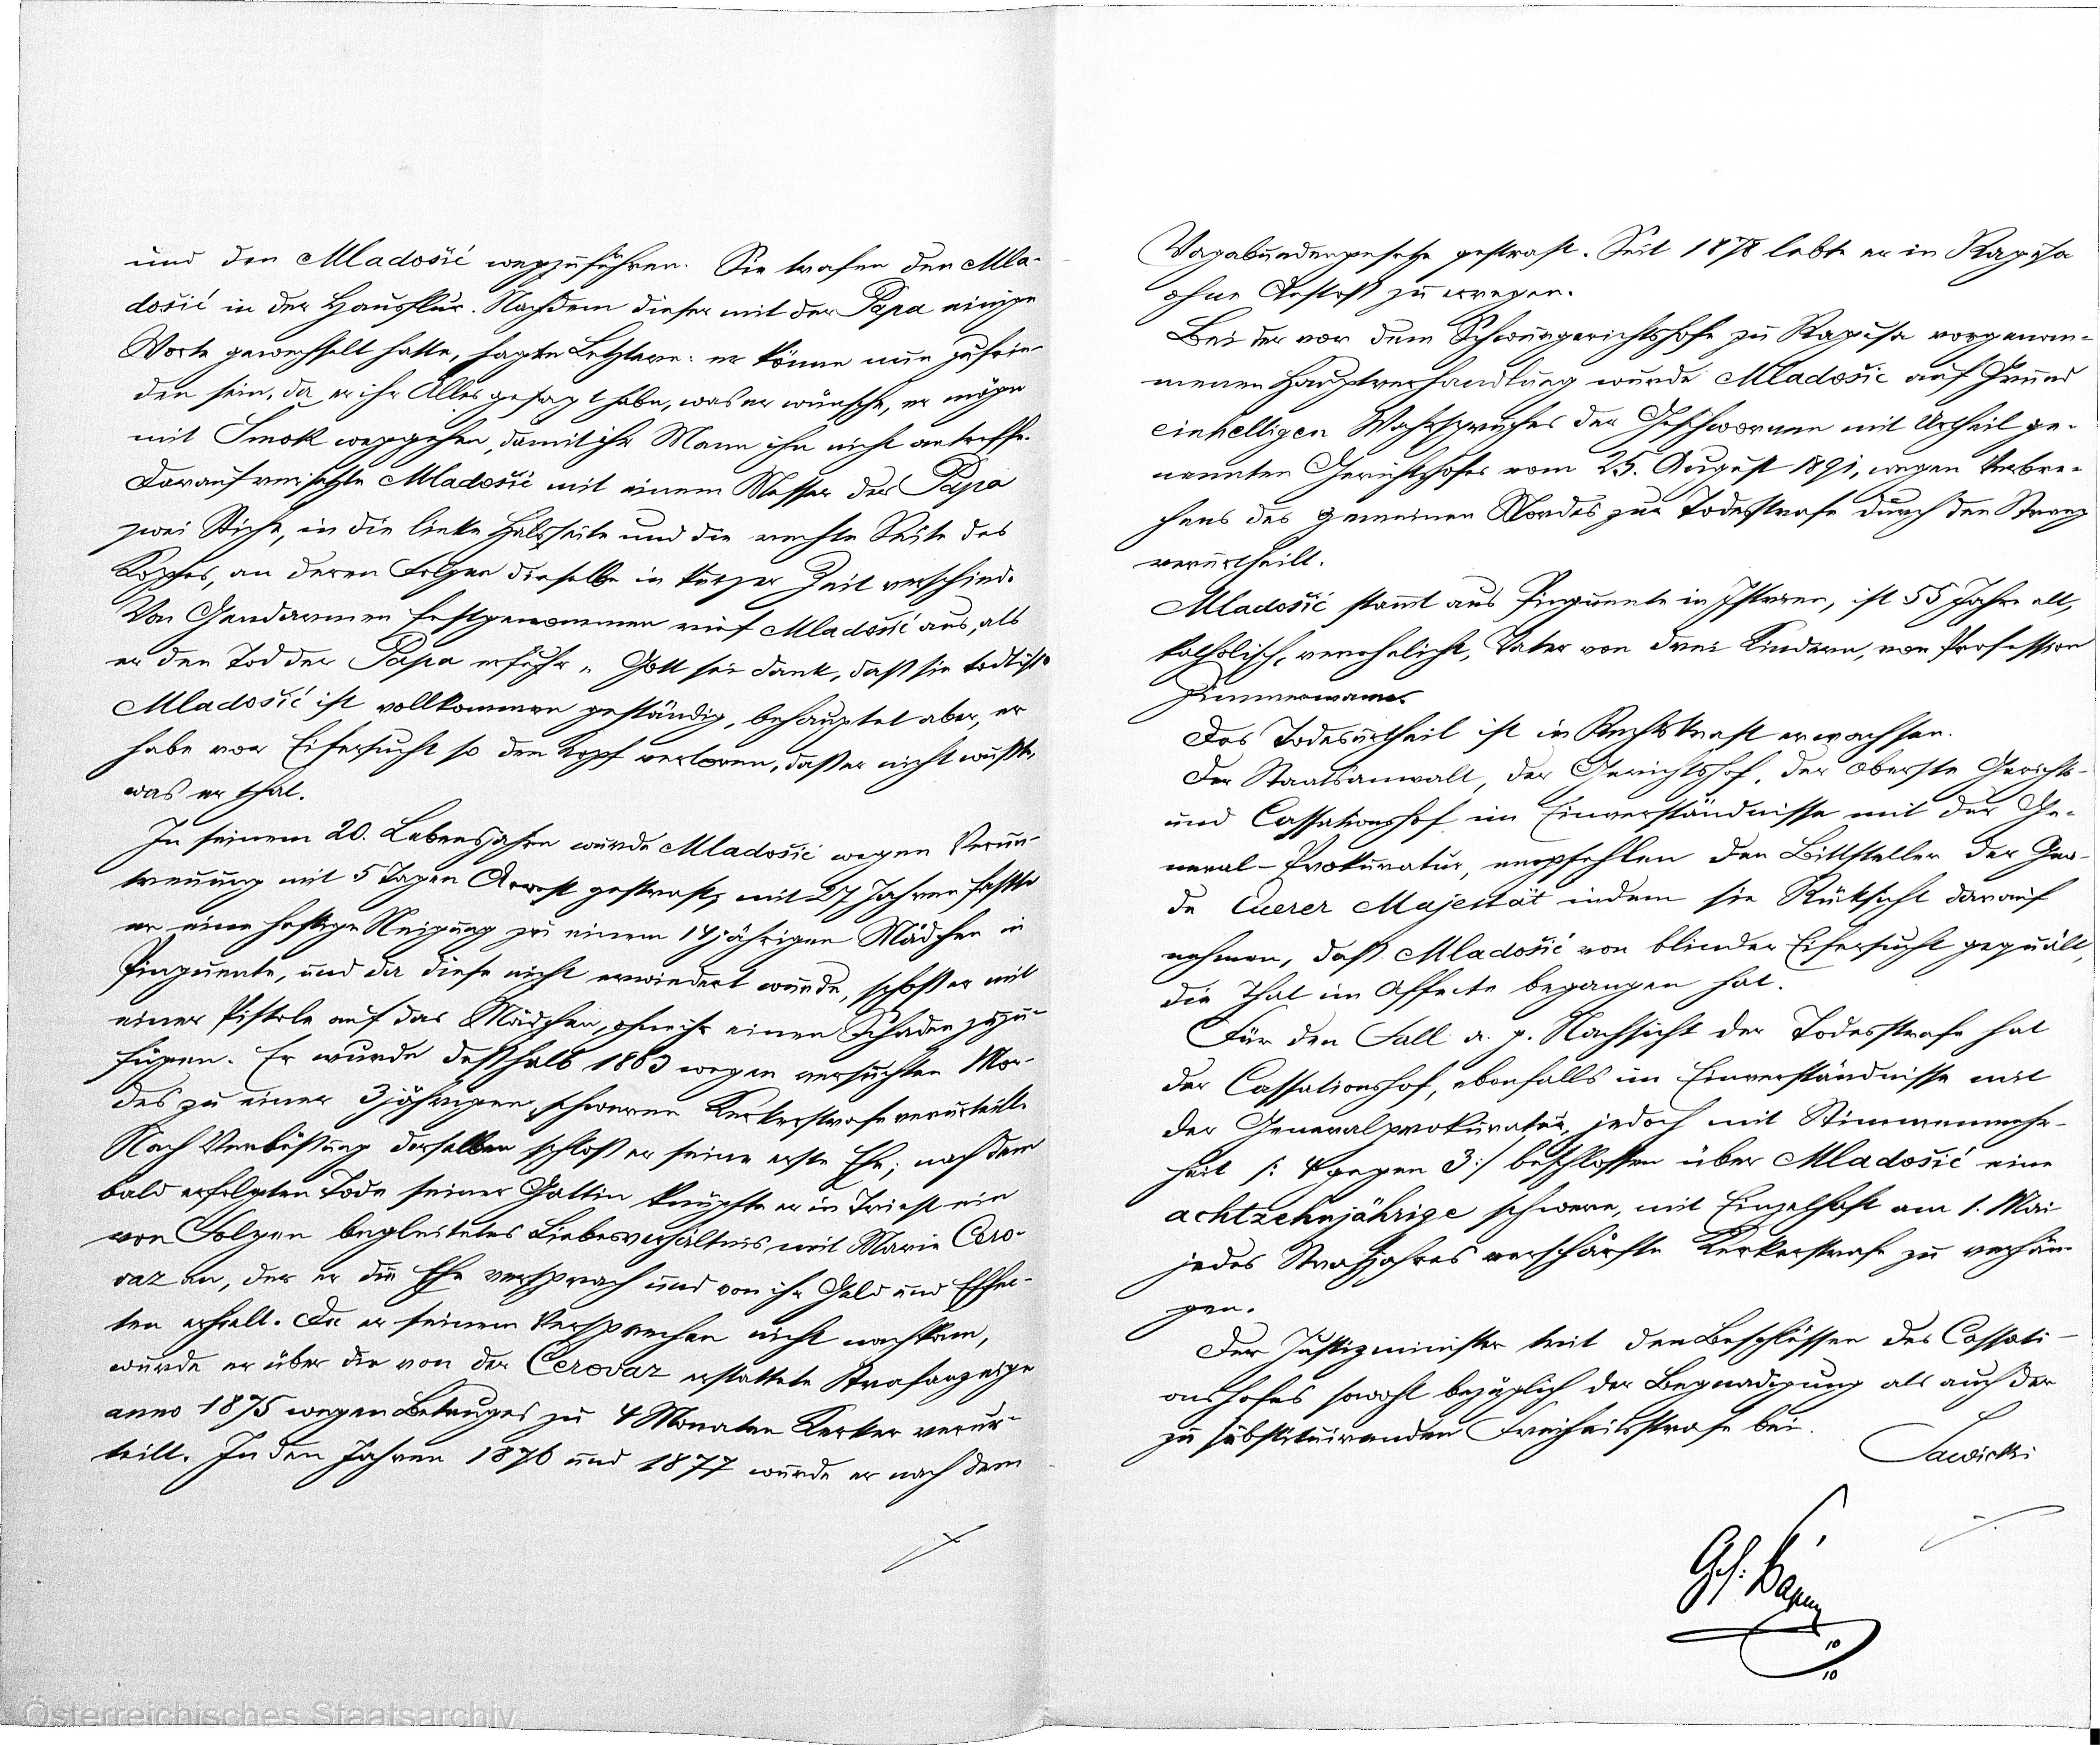und den Mladošić wegzuführen. Sie trafen den Mla¬
došić in der Hausflur. Nachdem dieser mit der Papa einige
Worte gewechselt hatte, sagte Letztere: er könne nun zufrie¬
den sein, da er ihr Alles gesagt habe, was er wünsche, er möge
mit Smok weggehen, damit ihr Mann ihn nicht antreffe.
Darauf versetzte Mladošić mit einem Messer der Papa
zwei Stiche, in die linke Halsseite und die rechte Seite des
Kopfes, an deren Folgen dieselbe in kürzer Zeig verschied.
Von Gendarmen festgenommen rief Mladošić aus, als
er den Tod der Papa erfuhr „Gott sei dank, daß sie todt ist.
Mladošić ist vollkommen geständig, behauptet aber, er
habe von Eifersucht so den Kopf verloren, daß er nicht wußte,
was er that.
In seinem 20. Lebensjahr wurde Mladošić wegen Verun¬
treuung mit 5 Tagen Arrest gestraft, mit 27 Jahren faßte
er eine festige Neigung zu einem 14jährigen Mädchen in
Pinguente, und da diese nicht erwiedert wurde, schloß er mit
einer Pistole auf das Mädchen, ohne ihr einen Schaden zuzu¬
fügen. Er wurde deßhalb 1863 wegen versuchten Mor¬
des zu einer 3jährigen schweren Kerkerstrafe verurtheilt.
Nach Verbüßung derselben schloß er seine erste Ehe; nach dem
bald erfolgten Tode seiner Gattin knüpfte er in Triest ein
von Folgen begleitetes Liebesverhältnis mit Marie Cero¬
vaz an, der er die Ehe versprach und von ihr Geld und Effek¬
ten erhielt. Da er seinem Versprechen nicht nachkam,
wurde er über die von der Cerovaz erstattet Strafanzeige
anno 1875 wegen Betruges zu 4 Monaten Kerker verur¬
teilt. In den Jahren 1870 und 1877 wurde er nach dem
Vagabundengesetze gestraft. Seit 1878 lebte er in Ragusa
ohne Anstoß zu erregen.
Bei der vor dem Schwurgerichtshofe zu Ragusa vorgenom¬
menen Hauptverhandlugn wurde Mladošić auf Grund
einhelligen Wahrspruches der Geschworene mit Urtheil ge¬
nannten Gerichtshofes vom 25. August 1891, wegen Verbre¬
chens des gemeinen Mordes zur Todesstrafe durch den Strang
verurtheilt.
Mladošić stammt aus Pinguente in Istrien, ist 55 Jahre alt,
katholisch, verehelicht, Vater von drei Kindern, von Profession
Zimmermann.
Das Todesurtheil ist in Rechtskraft erwachsen.
Der Staatsanwalt, der Gerichtshof, der oberste Gerichts¬
und Cassationshof im Einverständnisse mit der Ge¬
neral-Prokuratur, empfehlen den Bittsteller der Gna¬
de Euerer Majestät indem sie Rücksicht darauf
nehmen, daß Mladošić von blinder Eifersucht gequält,
die That im Affecte begangen hat.
Für den Fall a.g. Nachsicht der Todesstrafe hat
der Cassationshof, ebenfalls im Einverständnisse mit
der Generalprokuratur, jedoch mit Stimmenmehr¬
heit (4 gegen 3) beschlossen über Mladošić eine
achtzehnjährige schwere, mit Einzelhaft am 1. Mai
jedes Strafjahres verschärfte Kerkerstrafe zu verhän¬
gen.
Der Justizminister trit dem Beschlüssen des Cassati¬
onshofes sowohl bezüglich der Begnadigung als auch der
zu substituirenden Freiheitsstrafe bei.
Sawicki
Ges. Papay
10
10